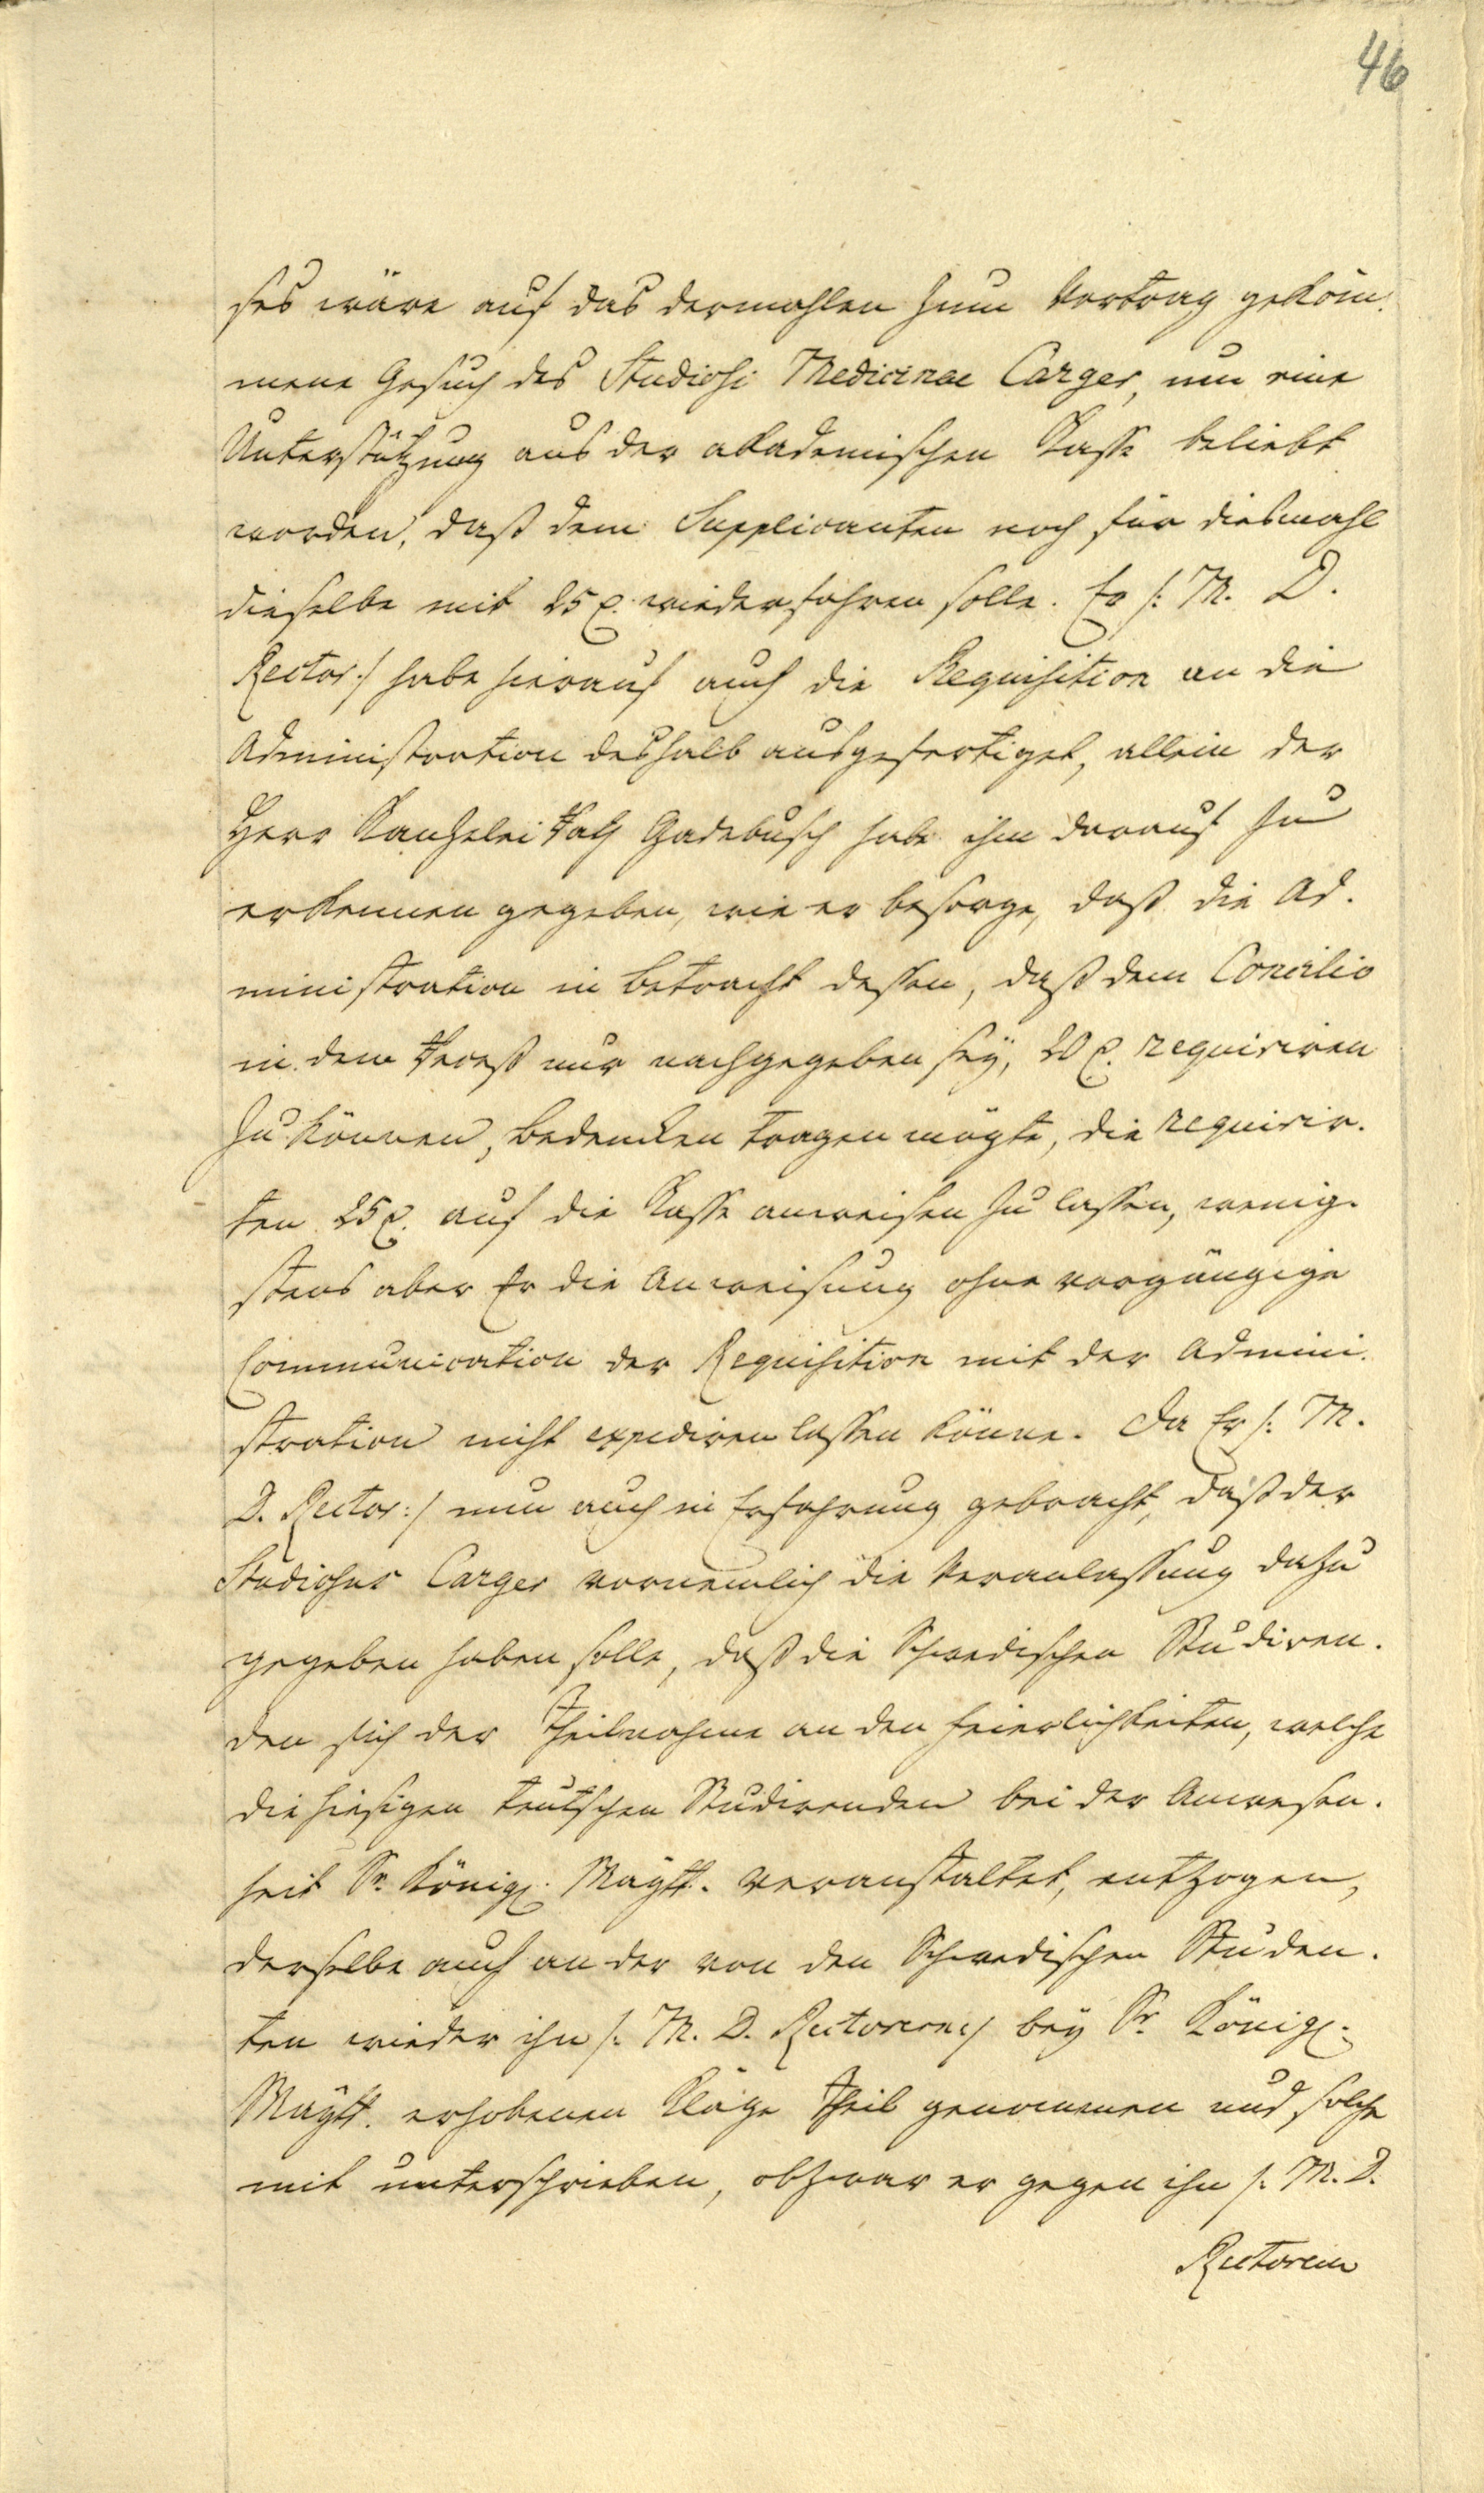ses wäre auf das dermahlen zum Vortrag gekom¬
mene Gesuch des Studiosi Medicinae Carger, um eine
Unterstützung aus der akademischen Kasse beliebt
worden, daß dem Supplicanten noch für diesmahl
dieselbe mit 25 l. wiederfahren solle. Er /: M. D.
Rector ./ habe hierauf auch die Requisition an die
Administration deshalb ausgefertiget, allein der
Herr Kanzelei Rath Gadebusch habe ihm darauf zu
erkennen gegeben, wie er besorge, daß die Ad¬
ministration in Betracht dessen, daß dem Concilio
in dem Receß nur nachgegeben seÿ, 20 l. requiriren
zu können, Bedenken tragen mögte, die requirir¬
ten 25 l. auf die Kasse anweisen zu lassen, wenig¬
stens aber Er die An weisung ohne vorgängige
Communication der Requisition mit der Admini¬
stration nicht expediren lassen könne. Da Er /:M.
D. Rector :/ nun auch in Erfahrung gebracht, daß der
Studiosus Carger vornemlich die Veranlassung dazu
gegeben haben solle, daß die Schwedischen Studiren¬
den sich der Theilnahme an den Feierlichkeiten, welche
die hiesigen teutschen Studirenden bei der Anwesen¬
heit Sr Königl. Maÿtt. veranstaltet, entzogen,
derselbe auch an der von den Schwedischen Studen¬
ten wieder ihn /: M. D. Rectorem ./ beÿ Sr Königl.
Maÿtt. erhobenen Klage Theil genommen und solche
mit unterschrieben, obzwar er gegen ihn /. M. D.
Rectorem